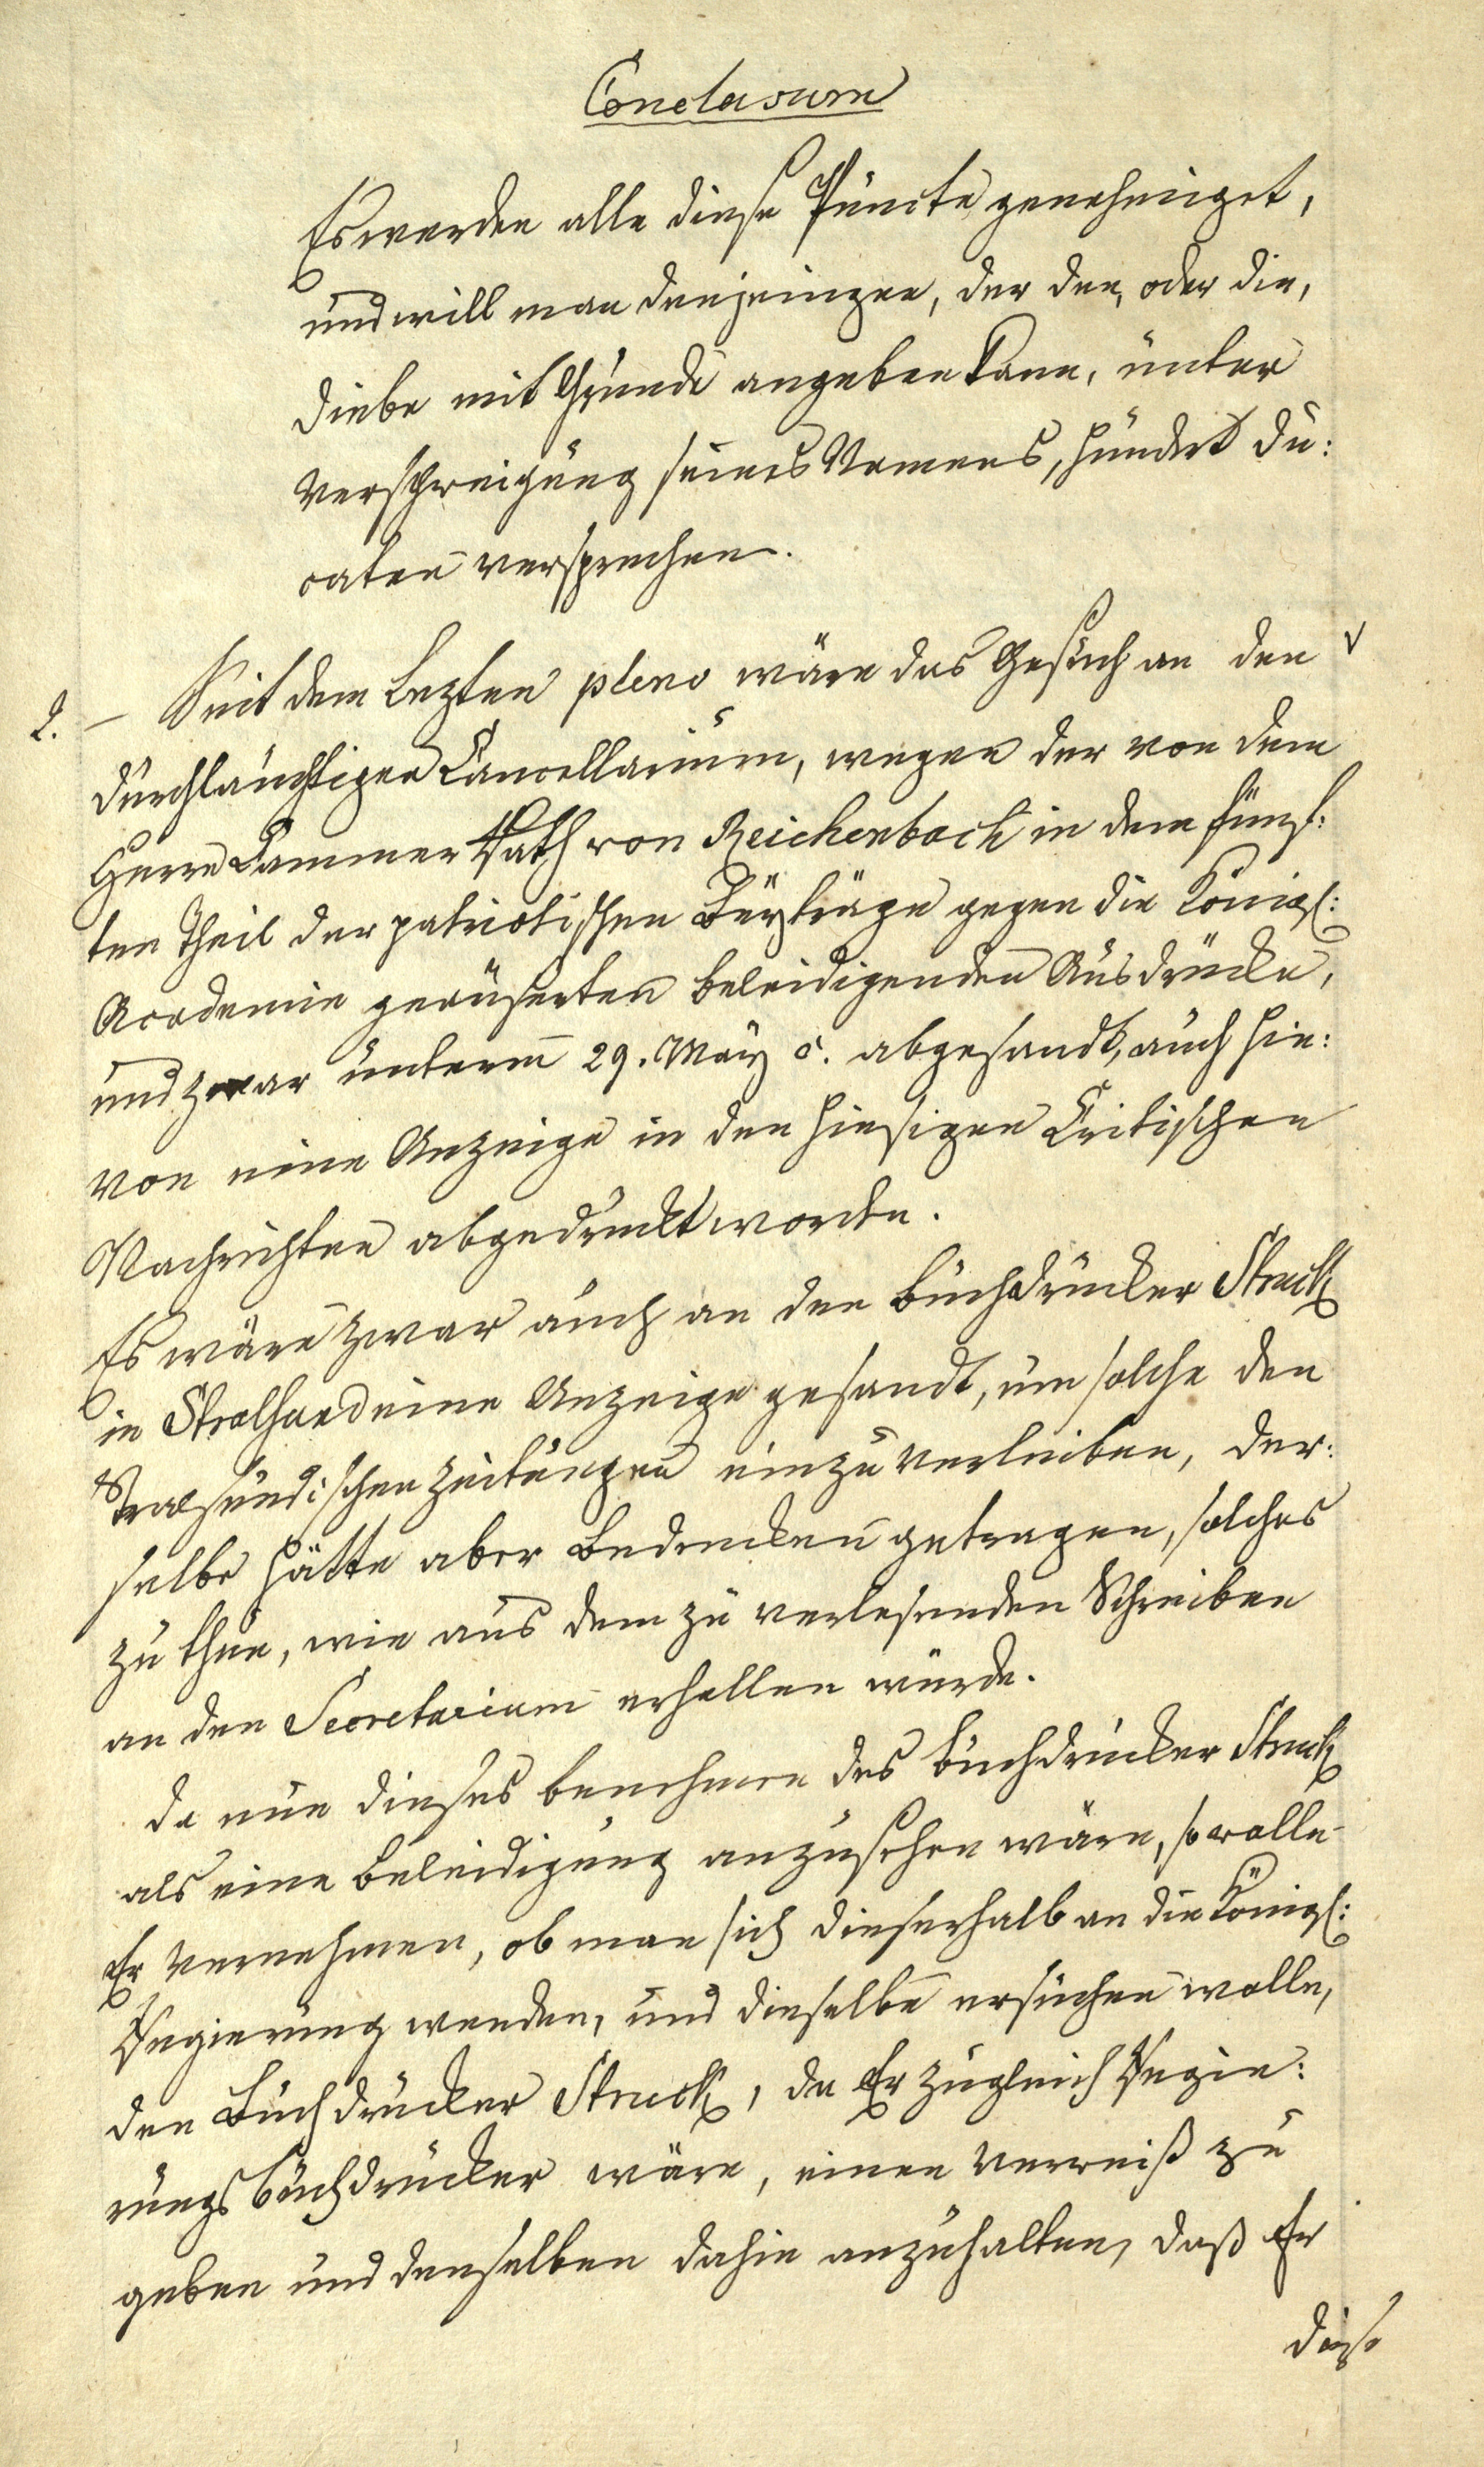Conclusum
Es werden alle diese Puncte genehmiget,
und will man denjenigen, der den, oder die,
Diebe mit Grunde angeben kann, unter
Verschweigung seines Namens, hundert Du¬
caten versprechen.
2. Seit dem lezten pleno wäre das Gesuch an den
Durchlauchtigen Cancellarium, wegen der von dem
Herrn CammerRath von Reichenbach in dem fünf¬
ten Theil der patriotischen Beÿträge gegen die Königl.
Academie geäußerten beleidigenden Ausdrücke,
und zwar unterm 29. Maÿ c. abgesandt, auch hie¬
von eine Anzeige in den hiesigen Critischen
Nachrichten abgedruckt worden.
Es wäre zwar auch an den Buchdrucker Struck
in Stralsund eine Anzeige gesandt, um solche den
Stralsundischen Zeitungen einzu verbleiben, der¬
selbe hätte aber Bedencken getragen, solches
zu thun, wie aus dem zu verlesenden Schreiben
an den Secretarium erhellen würde.
Da nun dieses Benehmen des Buchdrucker Struck
als eine Beleidigung anzusehen wäre, so wolle
Er vernehmen, ob man sich dieserhalb an die Königl.
Regierung wenden, und dieselbe ersuchen wolle,
den Buchdrucker Struck, da Er zugleich Regie¬
rungsBuchdrucker wäre, einen Verweis zu
geben und denselben dahin anzuhalten, daß Er
dies